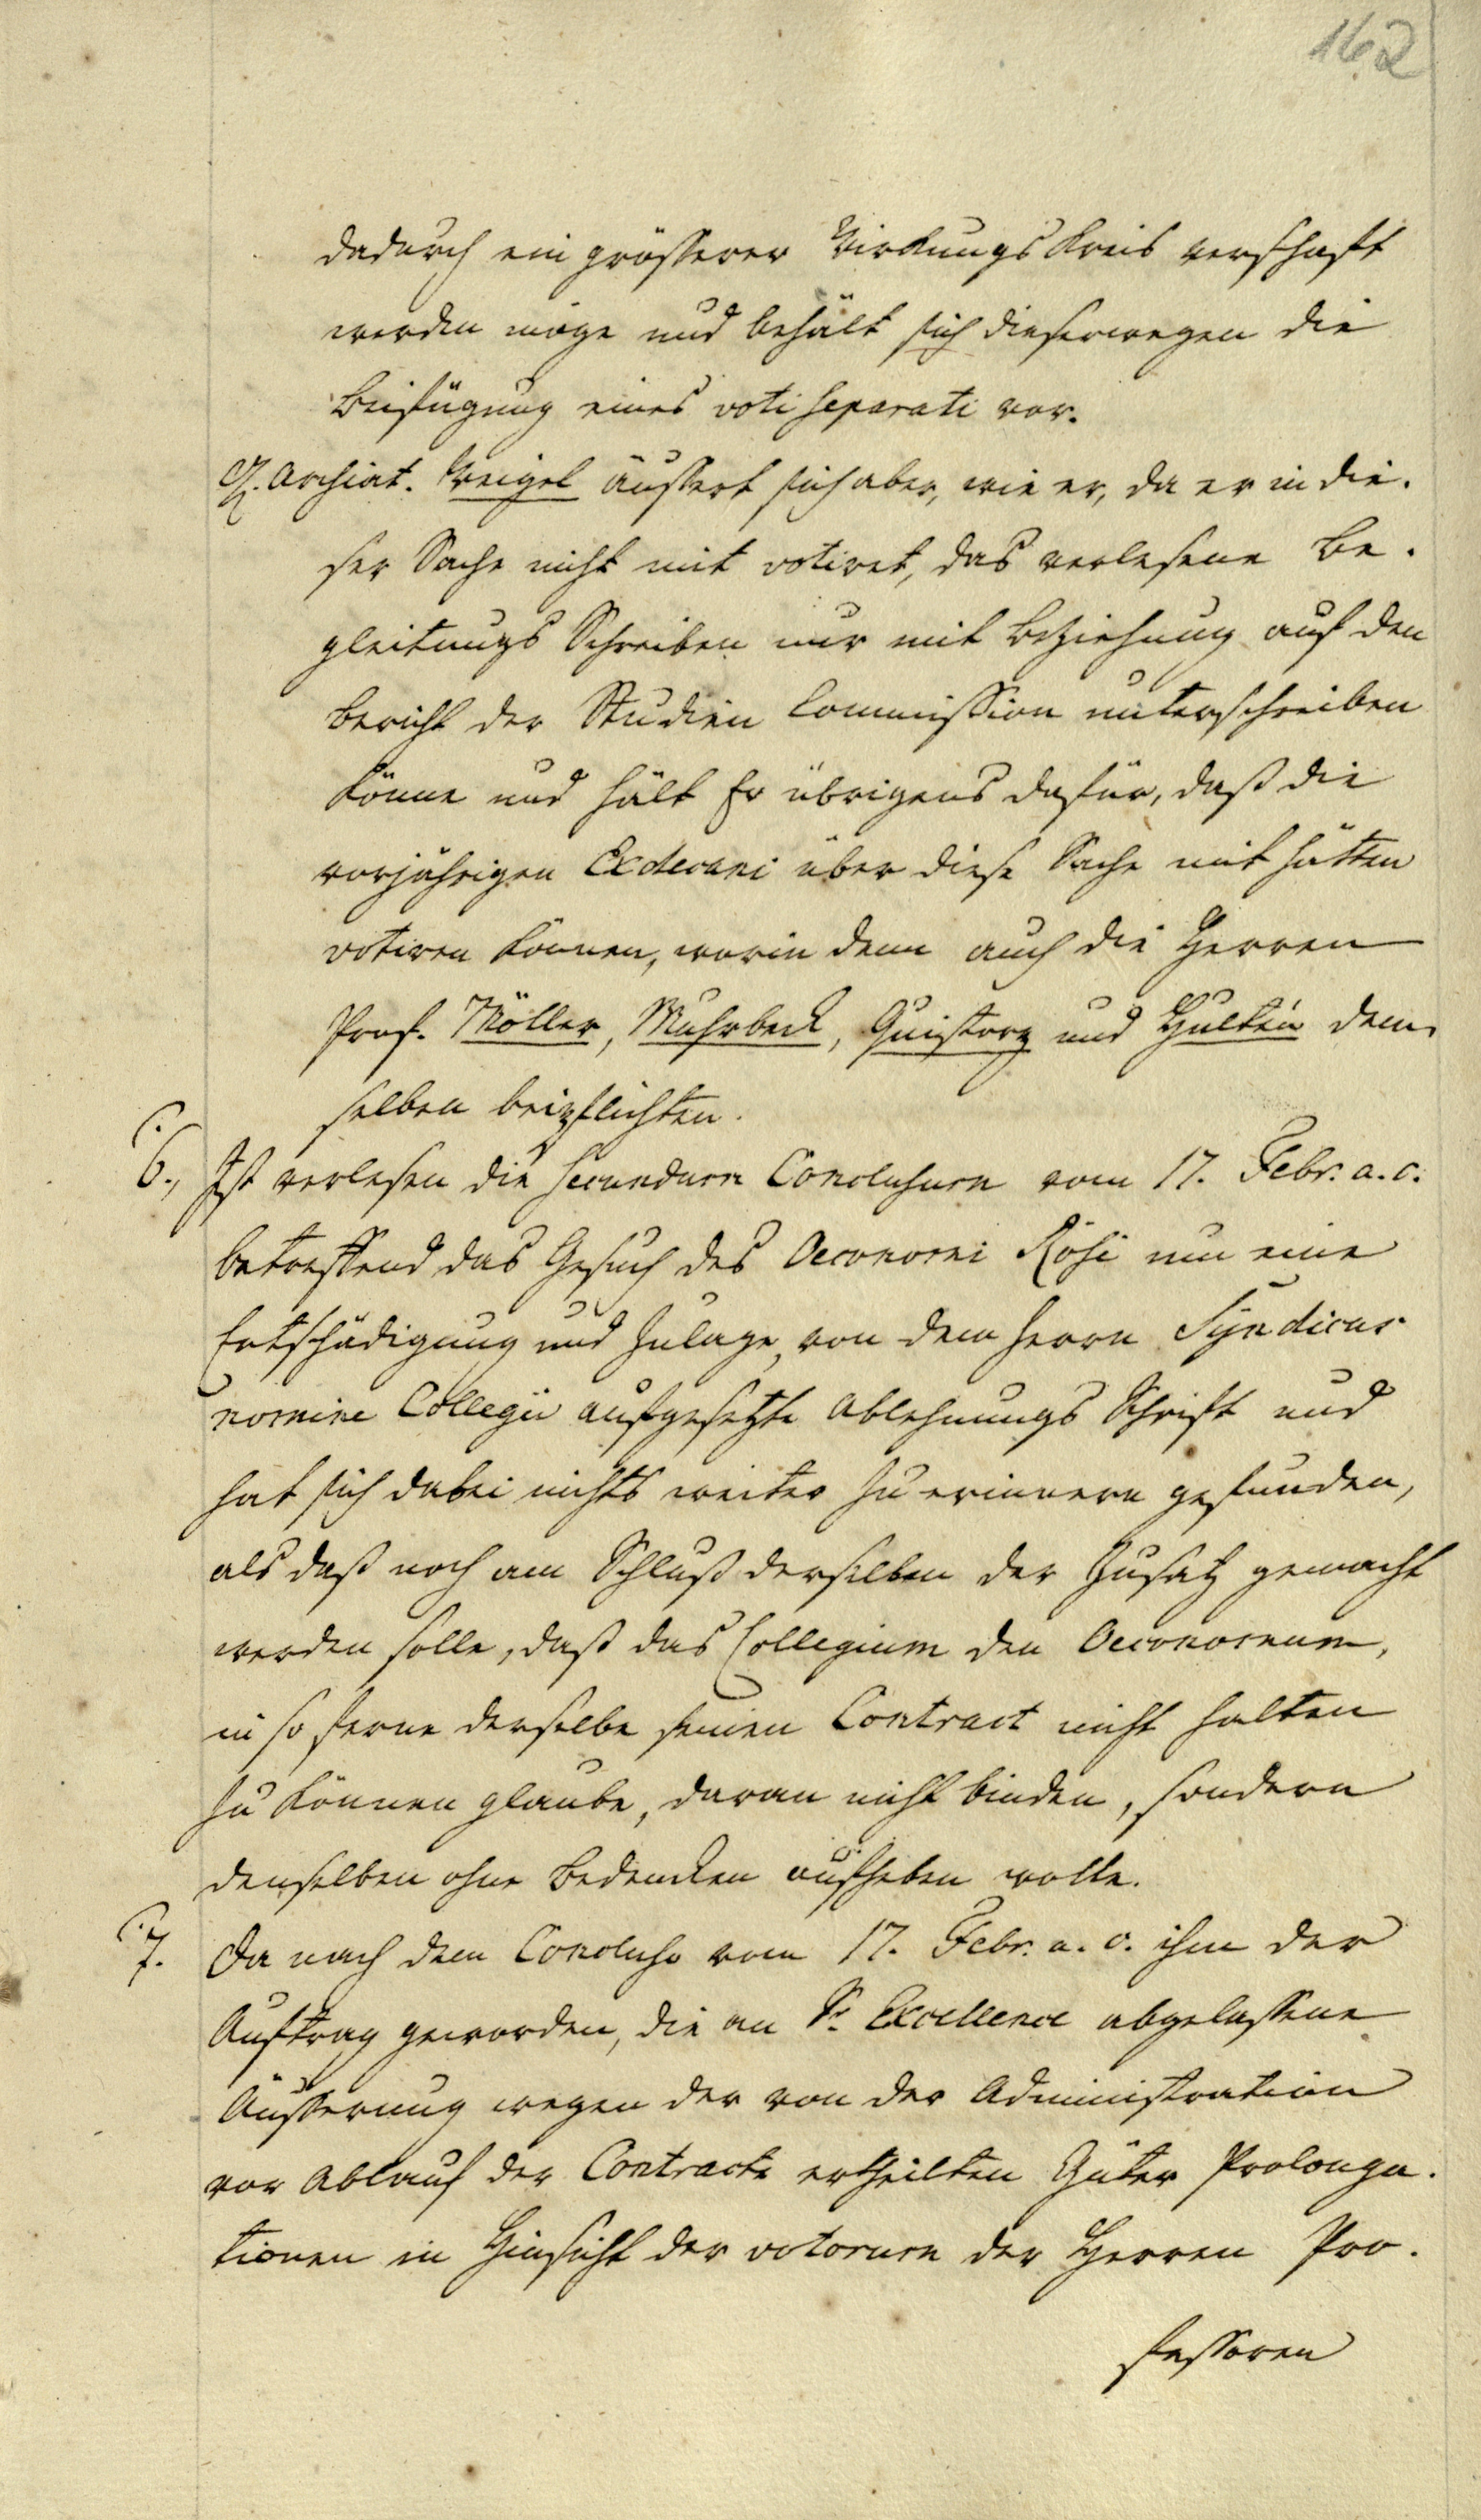dadurch ein grösserer Wirkungs Kreis verschaft
werden möge und behält sich dieserwegen die
Beifügung eines voti separati vor.
dh. Archiat. Weigel äussert sich aber, wie er, da er in die¬
ser Sache nicht mit votiret, das verlesene Be¬
gleitungs Schreiben nur mit Beziehung auf den
Bericht der Studien Commission unterschreiben
könne und hält Er übrigens dafür, daß die
vorjährigen Exdecani über diese Sache mit hätten
votiren können, worin denn auch die Herren
Prof. Möller, Muhrbeck, Quistorp und Hultén dem
selben beipflichten.
6., Ist verlesen die secundum Conclusum vom 17. Febr. a. c.
betreffend das Gesuch des Oeconomi Röse um eine
Entschädigung und Zulage, von dem Herrn Sÿndicus
nomine Collegii aufgesetzte Ablehnungs Schrift und
hat sich dabei nichts weiter zu erinnern gefunden,
als daß noch am Schluß derselben der Zusatz gemacht
werden solle, daß das Collegium den Oeconomum,
in so ferne derselbe seinen Contract nicht halten
zu können glaube, daran nicht binden, sondern
denselben ohne Bedencken aufheben wolle.
7. Da nach dem Concluso vom 17. Febr. a. c. ihm der
Auftrag geworden, die an Sr Excellence abgelassene
Äusserung wegen der von der Administration
vor Ablauf der Contracte ertheilten Güter Prolonga¬
tionen in Hinsicht der votorum der Herren Pro¬
fessoren